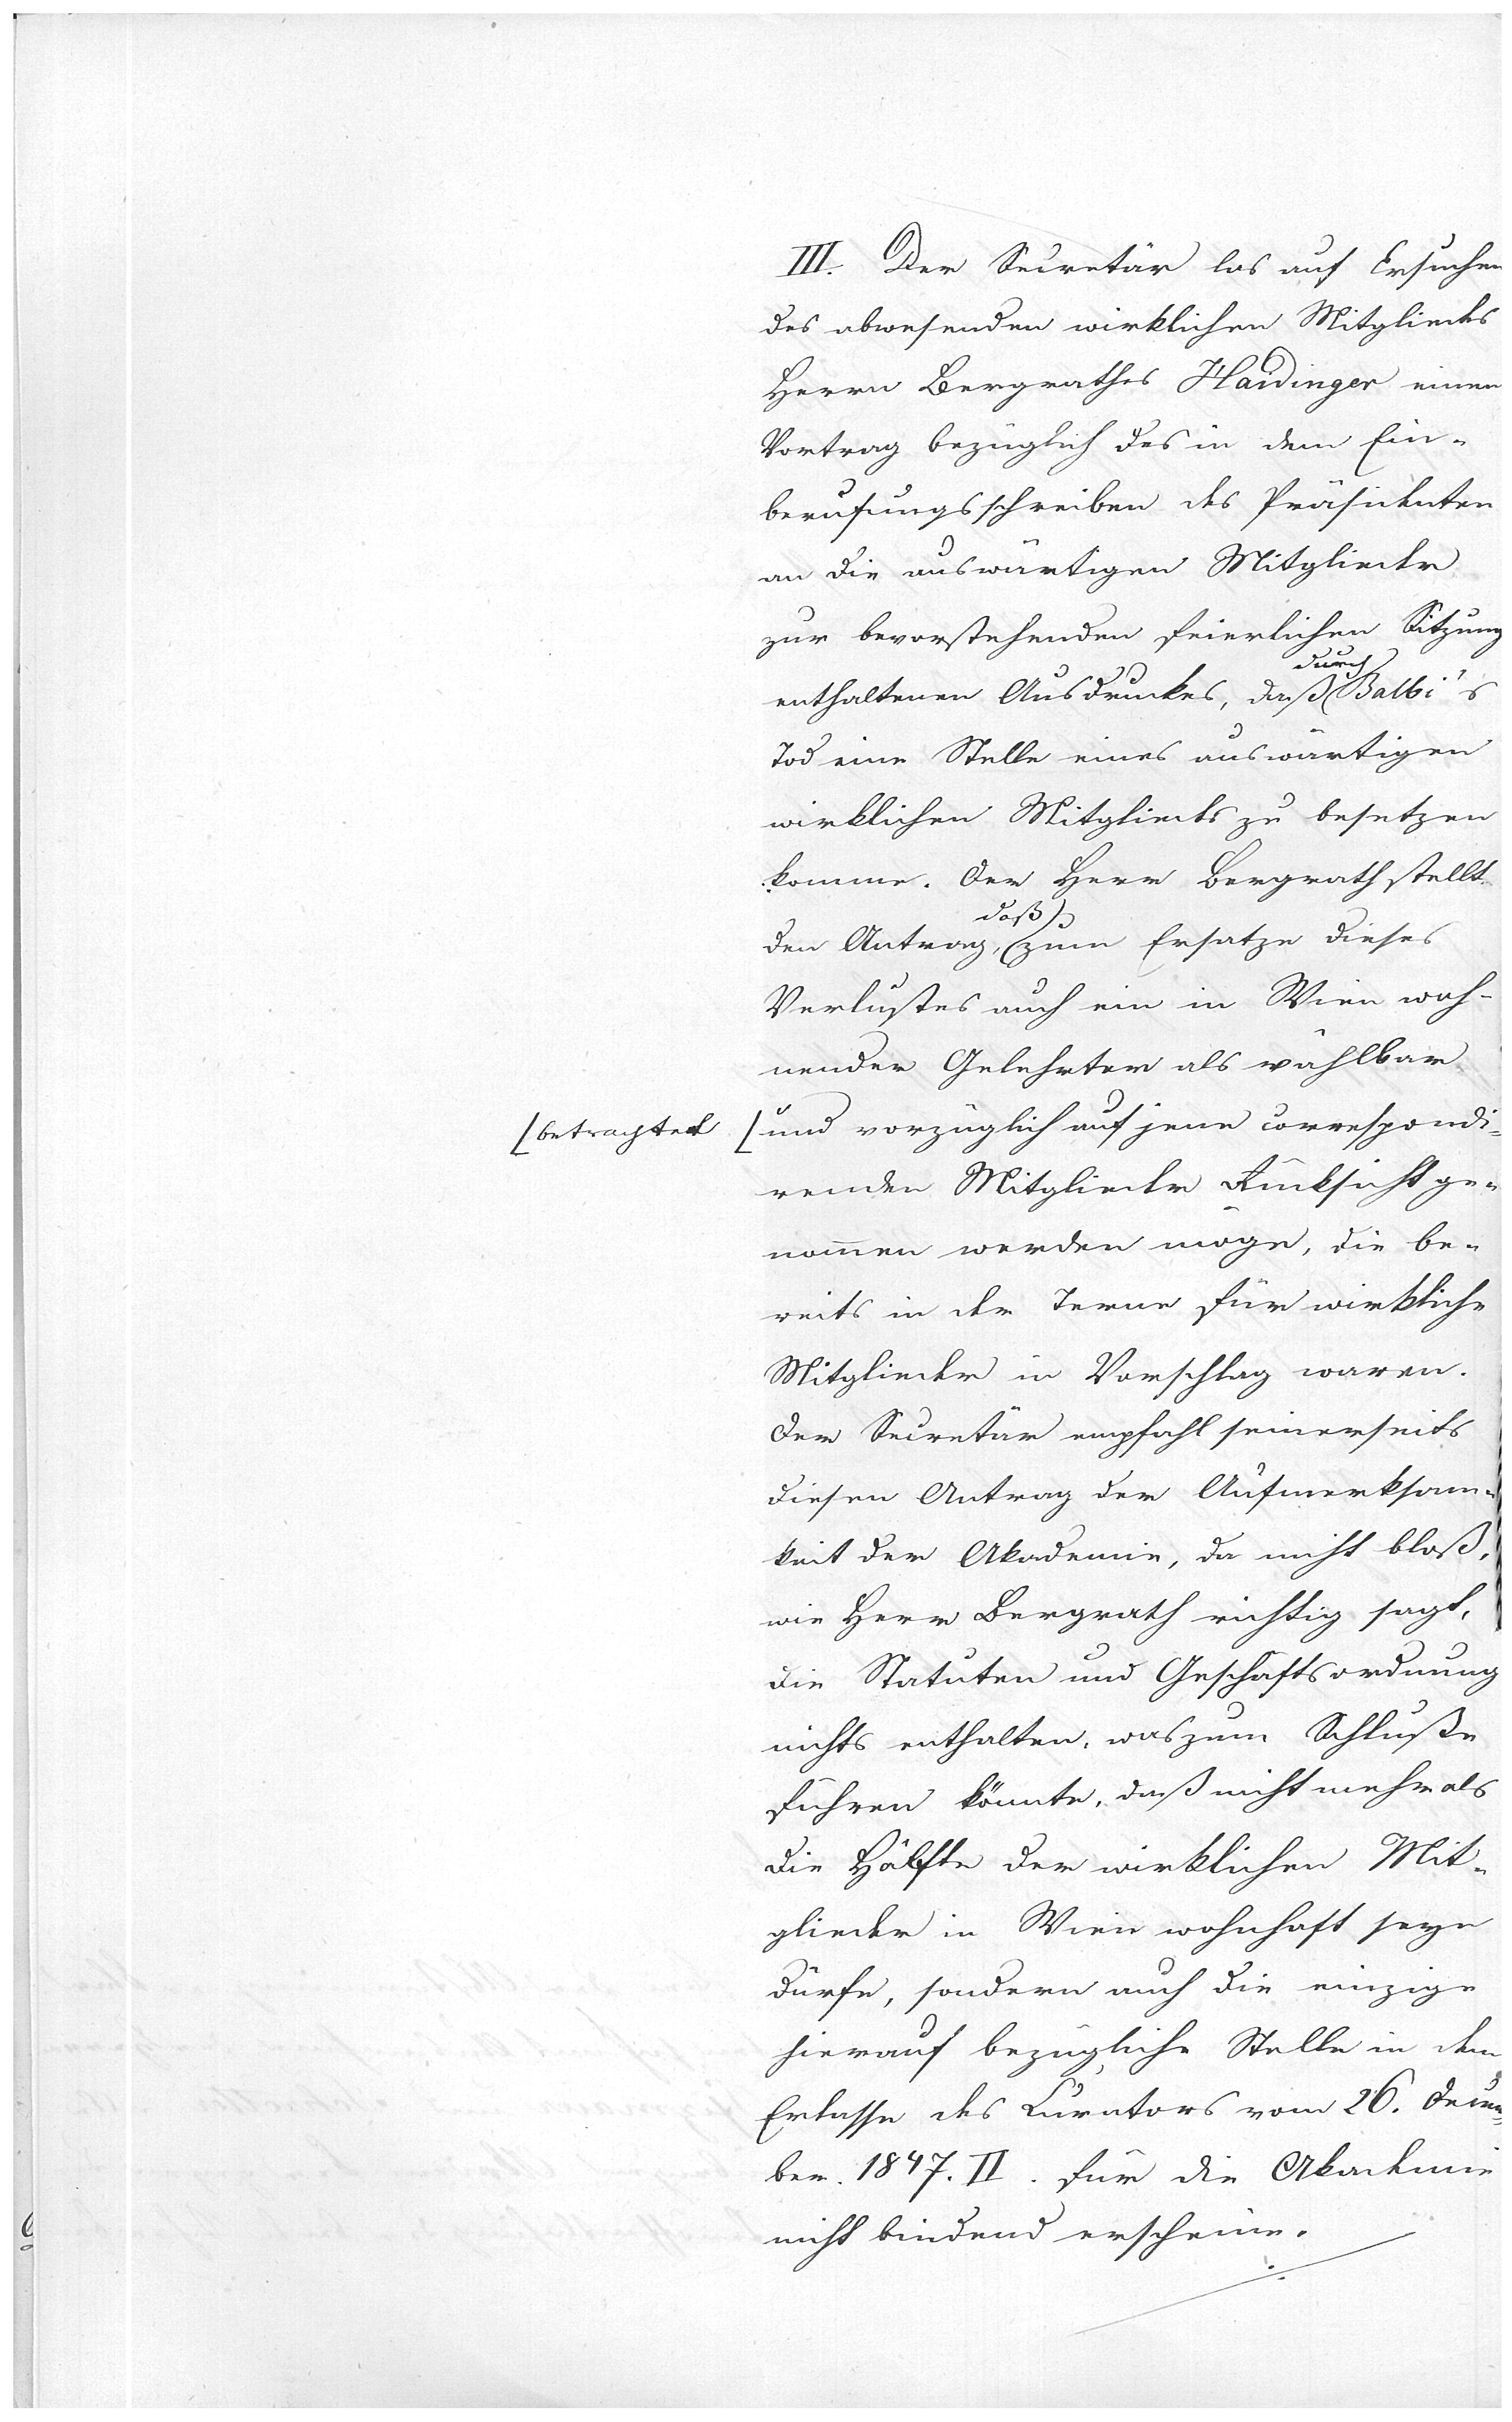III. Der Secretär las auf Ersuchen
des abwesenden wirklichen Mitgliedes
Herrn Bergrathes Haidinger einen
Vortrag bezüglich des in dem Ein-
berufungsschreiben des Präsidenten
an die auswärtigen Mitglieder
zur bevorstehenden feierlichen Sitzung
enthaltenen Ausdruckes, daß durch Balbi's
Tod eine Stelle eines auswärtigen
wirklichen Mitgliedes zu besetzen
komme. Der Herr Bergrath stellt
den Antrag, daß zum Ersatze dieses
Verlustes auch ein in Wien woh-
nender Gelehrter als wählbar
und vorzüglich auf jene correspondi-
renden Mitglieder Rücksicht ge-
nommen werden möge, die be-
reits in der Terne für wirkliche
Mitglieder in Vorschlag waren.
Der Secretär empfahl seinerseits
diesen Antrag der Anfmerksam-
keit der Akademie, da nicht bloß,
wie Herr Bergrath richtig sagt,
die Statuten und Geschäftsordnung
nichts enthalten, was zum Schluße
führen könnte, daß nicht mehr als
die Hälfte der wirklichen Mit-
glieder in Wien wohnhaft seyn
dürfe, sondern auch die einzige
hierauf bezügliche Stelle in dem
Erlasse des Curators vom 26. Decem-
ber 1847.II. für die Akademie
nicht bindend erscheine.
betrachtet